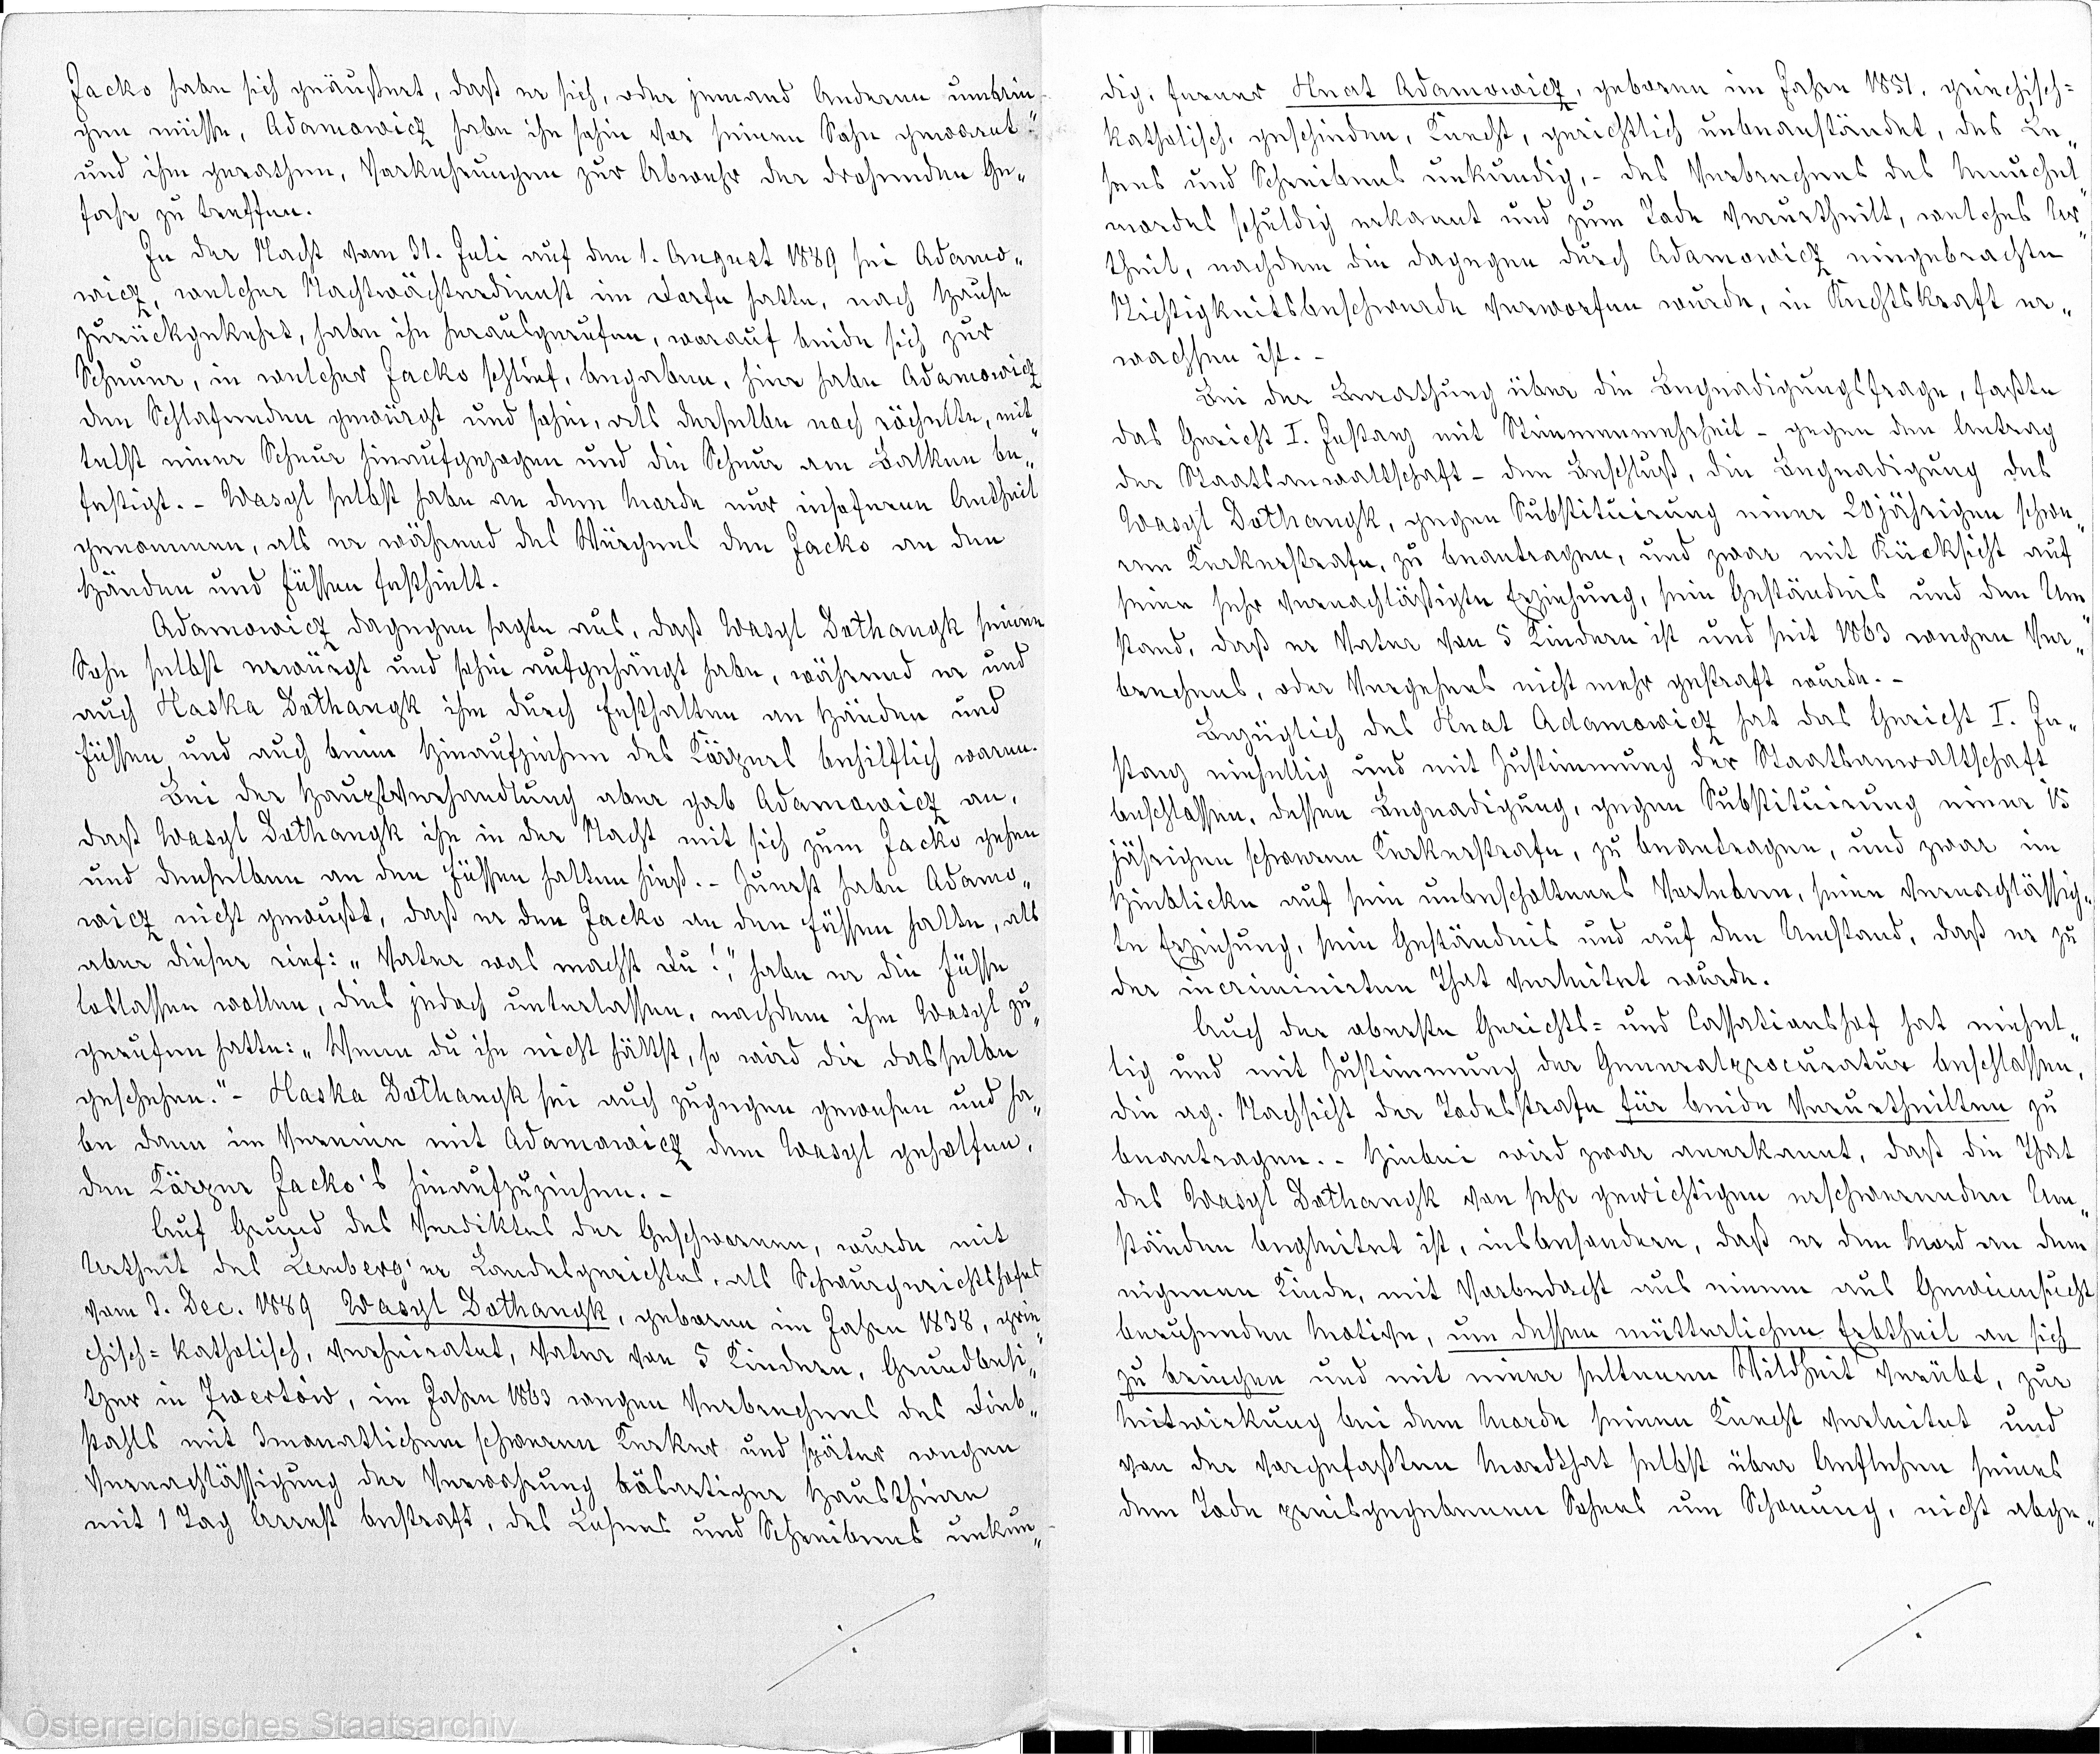Jacko habe sich gnäußert, daß er sich, oder jemand Anderen umbrin¬
gen müsse, Adamowicz habe ihn sohin vor seinen Sohn gexxnt"
und ihm gerathen, Vorkehrungen zur Abwehr der Drohenden Ge¬
fahr zu treffen.
In der Nacht vom 31. Juli auf den 1. August 1889 sei Adamo¬
wicz, welcher Nachwächterdienst im Dorfe hatte, nach Hause
zurückgekehrt, habe ihn herausgerufen, worauf beide sich zur
Schnuer, in welcher Jacko schlief, begaben, hier habe Adamowicz
den Schlafenden gewürgt und sxxhin, als derselbe nach röchelte, mit¬
telst einer Schnur hinaufgezogen und die Schnur am Balken be¬
festigt.- Wasyl selbst habe an dem Morde nur insoferne Antheil
genommen, als er während des Würgens den Jacko an den
Händen und Füssen festhielt.
Adamowicz dagegen sagte aus, daß Wasyl Dothanyk seinen
Sohn selbst erwürgt und sohin aufgehängt habe, während er und
auch Haska Dothanyk ihm durch Festhalten an Händen und
Füssen und auch beim Hinaufziehen des Körpers behilflich waren.
Bei der Hauptverhandlung aber gab Adamowicz an,
daß Wasyl Dothanyk ihn in der Nacht mit sich zum Jacko gehen
und denselben an den Füssen hatten hieß.- Zuerst habe Adamo¬
wicz nicht gewußt, daß er den Jacko an den Füssen hatte, als
aber dieser einf: „Vater was machst Du!“, habe er die Füsse
loslassen wollen, dies jedoch unterlassen, nachdem ihm Wasyl zu¬
gerufen hatte: „Wenn du ihn nicht fällst, so wird die dasselbe
geschehen.“- Haska Dothanyk sei auch zugegen gewesen und ha¬
be dann im Vereine mit Adamowicz dem Wasyl geholfen,
den Kärper Jacko's hinaufzuziehen.
Auf Grund des Verdiktes der Geschwornen, wurde mit
Urtheil des Lemberg'er Landesgerichtes-als Schwurgerichtshofes
vom 3. Dec. 1889 Wasyl Dothanyk, geboren im Jahre 1838, grie¬
chisch-katholisch, verheiratet, Vater von 5 Kindern, Grundbesi¬
tzer in Zwertów, im Jahre 1863 wegen Verbrechens des Dieb¬
stahls mit xxmonatlichem schweren Kerker und später wegen
Vernachlässigung der Verwehrung bösartiger Hausthiere
mit 1 Tag Arrest bestraft, des Lehens und Schreibens unkun¬
dig, ferner Hnat Adamowicz, geborne im Jahre 1851, griechisch-
katholisch, geschieden, Knecht, gerichtlich unbeanständet, des Le¬
sens und Schreibens unkundig,- des Verbrechens des Meuchel¬
mordes schuldig erkannt und zum Tode verurtheilt, welches Ur¬
theil, nachdem die dagegen durch Adamowicz eingebrachte
Nichtigkeitsbeschwerde verworfen wurde, in Rechtskraft er¬
wachsen ist.-
Bei der Berathung über die Begnadigungsfrage, faßte
das Gericht I. Instanz mit Stimmenmehrheit - gegen den Antrag
der Staatsanwaltschaft - den Beschluß, die Begnadigung des
Wasyl Dothanyk, gegen Substituirung einer 20jährigen schwe¬
ren Kerkerstrafe, zu beantragen, und zwar mit Rücksicht auf
seine sehr Vernachläßigte Erziehung, sein Geständnis und den Um¬
stand, daß er Vater von 5 Kindern ist und seit 1863 wegen Ver¬
brechens, oder Vergehens nicht mehr gestraft wurde.-
Bezüglich des Hnat Adamowicz hat das Gericht I. In¬
stanz einhellig und mit Zustimmung der Staatsanwaltschaft
beschlossen, dessen Begnadigung, gegen Substituirung einer 15
jährigen schweren Kerkerstrafe, zu beantragen, und zwar im
Hinblicke auf sein unbescholtenes Vorleben, seine Vernachlässig¬
te Erziehung, sein Geständnis und auf den Umstand, daß er zu
der incriminirten That verleitet wurde.
Auch der oberste Gerichts- und Cassationshof hat einhel¬
lig und mit Zustimmung der Generalprocuratur beschlossen,
die ag. Nachsicht der Todesstrafe für beide Verurtheilten zu
beantragen.- Hiebei wird zwar anerkannt, daß die That
des Wasyl Dothanyk von sehe gewichtigen erschwerenden Um¬
ständen begleitet ist, insbesondern, daß er dem Mord an dem
eigenen Kinde, mit Vorbedacht aus einem aus Gewinnsucht
berufenden Motive, um dessen mütterlichen Erbtheil an sich
zu bringen und mit einer seltenen Wildheit verübt, zur
Mitwirkung bei dem Morde seinen Knecht verleitet und
von der vorgefaßten Mordthat selbst über Anflehen seines
dem Tode preisgegebenen Sohnes um Schonung, nicht abge¬